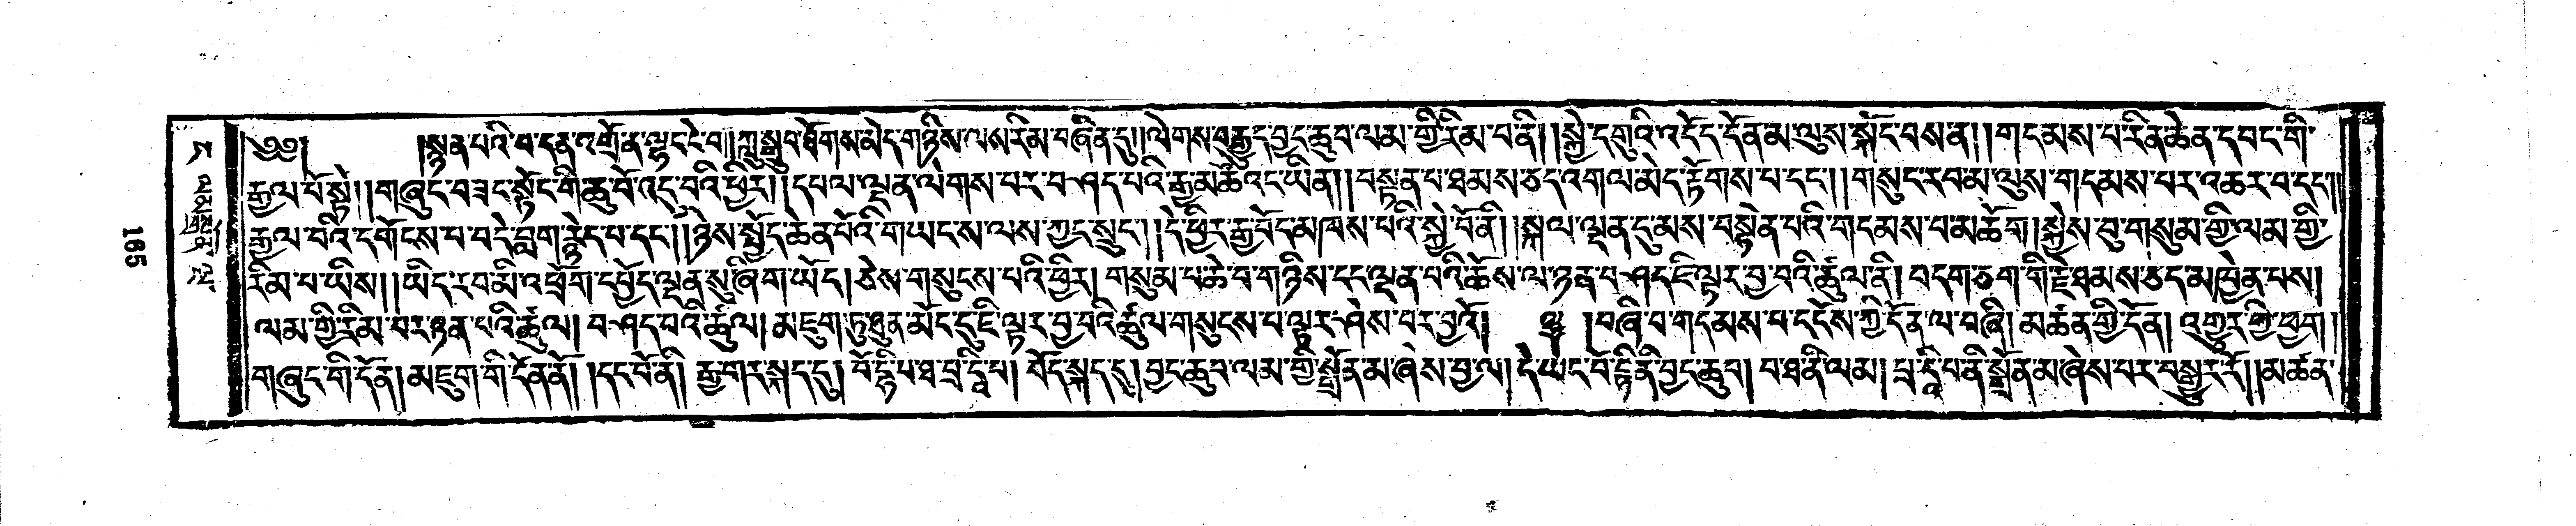༄༅། །སྙན་པའི་བ་དན་འགྲོ་ན་ལྷང་ངེ་བ། །ཀླུ་སྒྲུབ་ཐོགས་མེད་གཉིས་ལས་རིམ་བཞིན་དུ། །ལེགས་བརྒྱུད་བྱང་ཆུབ་ལམ་གྱི་རིམ་པ་ནི། །སྐྱེ་དགུའི་འདོད་དོན་མ་ལུས་སྐོང་བས་ན། །གདམས་པ་རིན་ཆེན་དབང་གི་
རྒྱལ་པོ་སྟེ། །གཞུང་བཟང་སྟོང་གི་ཆུ་བོ་འདུ་བའི་ཕྱིར། །དཔལ་ལྡན་ལེགས་པར་བཤད་པའི་རྒྱ་མཚོའང་ཡིན། །བསྟན་པ་ཐམས་ཅད་འགལ་མེད་རྟོགས་པ་དང་། །གསུང་རབ་མ་ལུས་གདམས་པར་འཆར་བ་དང་།
རྒྱལ་བའི་དགོངས་པ་བདེ་བླག་རྙེད་པ་དང་། །ཉེས་སྤྱོད་ཆེན་པོའི་གཡང་ས་ལས་ཀྱང་སྲུང་། །དེ་ཕྱིར་རྒྱ་བོད་མཁས་པའི་སྐྱེ་བོ་ནི། །སྐལ་ལྡན་དུ་མས་བསྟེན་པའི་གདམས་པ་མཆོག །སྐྱེས་བུ་གསུམ་གྱི་ལམ་གྱི་
རིམ་པ་ཡིས། །ཡིད་རབ་མི་འཕྲོག་དཔྱོད་ལྡན་སུ་ཞིག་ཡོད། ཅེས་གསུངས་པའི་ཕྱིར། གསུམ་པ་ཆེ་བ་གཉིས་དང་ལྡན་པའི་ཆོས་ལ་ཉན་བཤད་ཇི་ལྟར་བྱ་བའི་ཚུལ་ནི། བདག་ཅག་གི་རྗེ་ཐམས་ཅད་མཁྱེན་པས།
ལམ་གྱི་རིམ་པར་ཉན་པའི་ཚུལ། བཤད་པའི་ཚུལ། མཇུག་ཏུ་ཐུན་མོང་དུ་ཇི་ལྟར་བྱ་བའི་ཚུལ་གསུངས་པ་ལྟར་ཤེས་པར་བྱའོ། ༈ །བཞི་པ་གདམས་པ་དངོས་ཀྱི་དོན་ལ་བཞི། མཚན་གྱི་དོན། འགྱུར་གྱི་ཕྱག །
གཞུང་གི་དོན། མཇུག་གི་དོན་ནོ། །དང་པོ་ནི། རྒྱ་གར་སྐད་དུ། བོ་དྷི་པ་ཐ་པྲ་དཱི་པ། བོད་སྐད་དུ། བྱང་ཆུབ་ལམ་གྱི་སྒྲོན་མ་ཞེས་བྱ་ལ། དེ་ཡང་བོ་དྷི་ནི་བྱང་ཆུབ། པ་ཐ་ནི་ལམ། པྲ་དཱི་པ་ནི་སྒྲོན་མ་ཞེས་པར་བསྒྱུར་རོ། །མཚན་